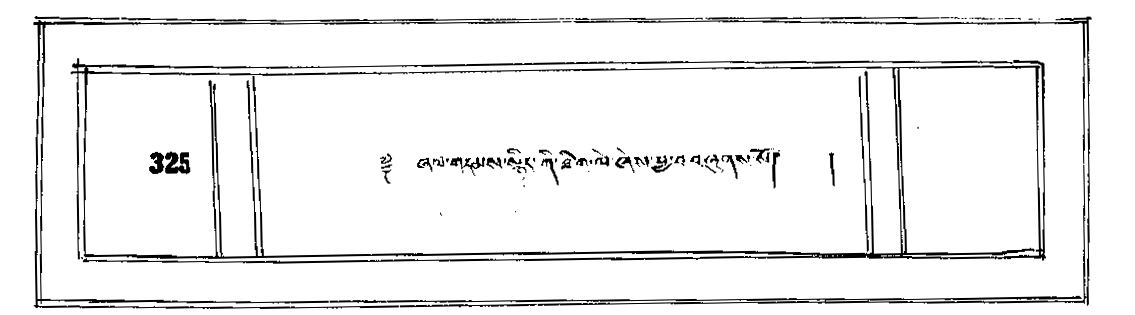༈ ཞལ་གདམས་སྙིང་གི་ཐིག་ལེ་ཞེས་བྱ་བ་བཞུགས་སོ། །